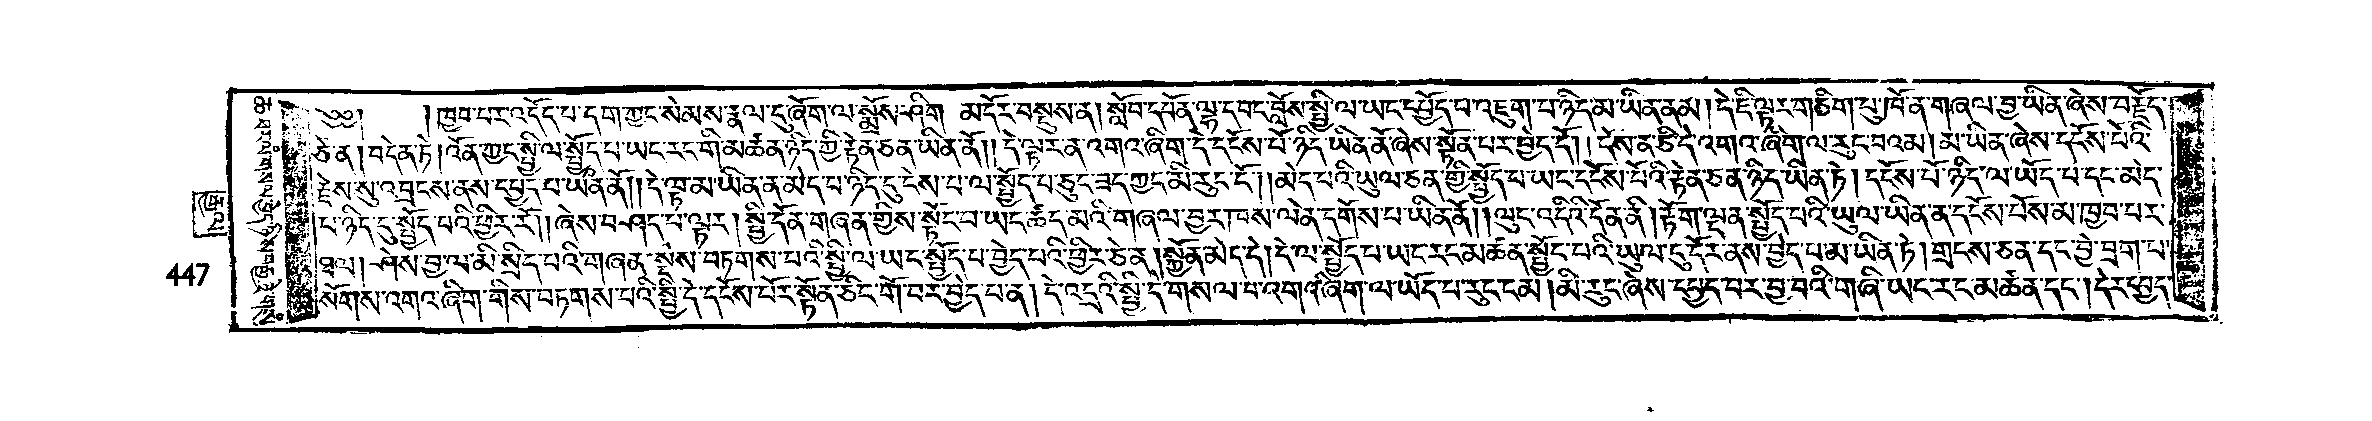༄༅། །ཁྱབ་པར་འདོད་པ་དག་ཀྱང་སེམས་རྣལ་དུ་ཞོག་ལ་སྨྲོས་ཤིག །མདོར་བསྡུས་ན། སློབ་དཔོན་ལྷ་དབང་བློས་སྤྱི་ལ་ཡང་དཔྱོད་པ་འཇུག་པ་ཉིད་མ་ཡིན་ནམ། དེ་ཇི་ལྟར་གཅིག་པུ་ཁོ་ན་གཞལ་བྱ་ཡིན་ཞེས་བརྗོད་
ཙ་ན། བདེན་ཏེ། འོན་ཀྱང་སྤྱི་ལ་སྤྱོད་པ་ཡང་རང་གི་མཚན་ཉིད་ཀྱི་རྟེན་ཅན་ཡིན་ནོ། །དེ་ལྟར་ན་འགའ་ཞིག་དེ་དངོས་པོ་ཉིད་ཡིན་ནོ་ཞེས་སྟོན་པར་བྱེད་དོ། །དོས་ན་ཅི་དེ་འགའ་ཞིག་ལ་རུང་བའམ། མ་ཡིན་ཞེས་དངོས་པོའི་
རྗེས་སུ་འབྲངས་ནས་དཔྱད་པ་ཡིན་ནོ། །དེ་ལྟ་མ་ཡིན་ན་མེད་པ་ཉིད་དུ་ངེས་པ་ལ་སྤྱོད་པ་ཅུང་ཟད་ཀྱང་མི་རུང་ངོ། །མེད་པའི་ཡུལ་ཅན་གྱི་སྤྱོད་པ་ཡང་དངོས་པོའི་རྟེན་ཅན་ཉིད་ཡིན་ཏེ། དངོས་པོ་ཉིད་ལ་ཡོད་པ་དང་མེད་
པ་ཉིད་དུ་སྤྱོད་པའི་ཕྱིར་རོ། །ཞེས་བཤད་པ་ལྟར། སྤྱི་དོན་གཞན་གྱིས་སྟོང་པ་ཡང་ཚད་མའི་གཞལ་བྱར་ཁས་ལེན་དགོས་པ་ཡིན་ནོ། །ལུང་འདིའི་དོན་ནི། རྟོག་ལྡན་སྤྱོད་པའི་ཡུལ་ཡིན་ན་དངོས་པོས་མ་ཁྱབ་པར་
ཐལ། ཤེས་བྱ་ལ་མི་སྲིད་པའི་གཞན་སྡེས་བཏགས་པའི་སྤྱི་ལ་ཡང་སྤྱོད་པ་བྱེད་པའི་ཕྱིར་ཅེ་ན། སྐྱོན་མེད་དེ། དེ་ལ་སྤྱོད་པ་ཡང་རང་མཚན་སྤྱོད་པའི་ཡུལ་དུ་དོར་ནས་བྱེད་པ་མ་ཡིན་ཏེ། གྲངས་ཅན་དང་བྱེ་བྲག་པ་
སོགས་འགའ་ཞིག་གིས་བཏགས་པའི་སྤྱི་དེ་དངོས་པོར་སྟོན་ཅིང་གོ་བར་བྱེད་པ་ན། དེ་འདྲའི་སྤྱི་དེ་གསལ་པ་འགའ་ཞིག་ལ་ཡོད་པ་རུང་ངམ། མི་རུང་ཞེས་དཔྱད་པར་བྱ་བའི་གཞི་ཡང་རང་མཚན་དང་། དེར་དཔྱད་